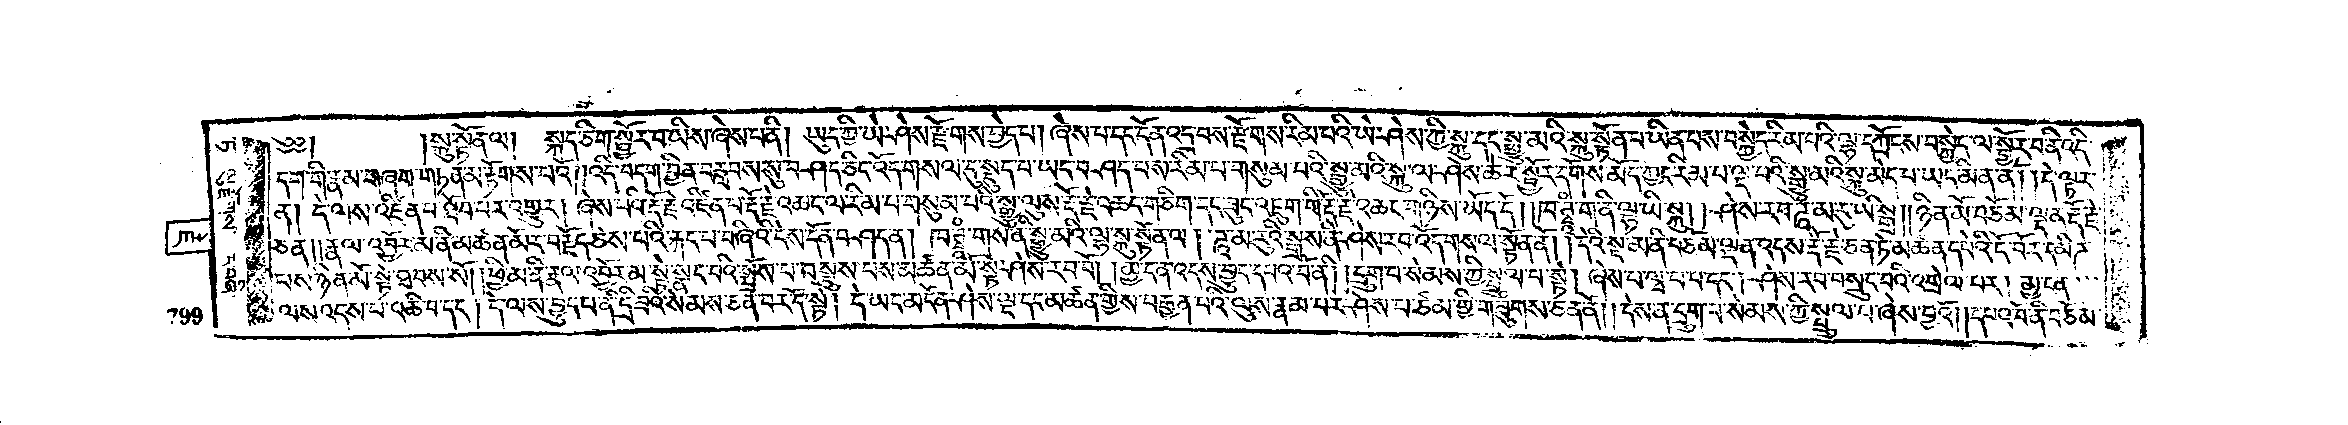༄༅། །སྐུ་སྟོན་ལ། སྐད་ཅིག་སྦྱོར་བ་ཡིས་ཞེས་པ་ནི། ཡུད་ཀྱི་ཡེ་ཤེས་རྫོགས་བྱེད་པ། ཞེས་པ་དང་དོན་འདྲ་བས་རྫོགས་རིམ་པའི་ཡེ་ཤེས་ཀྱི་སྐུ་དང་སྒྱུ་མའི་སྐུ་སྟོན་པ་ཡིན་པས་བསྐྱེད་རིམ་པའི་ལྷ་དཀྲོངས་བསྐྱེད་ལ་སྦྱོར་བ་ནི་འདི་
དག་གི་རྣམ་གཞག་གཏན་མ་རྟོགས་པའོ། །འདི་བདག་བྱིན་བརླབས་སུ་བཤད་ཅིང་འོད་གསལ་དུ་སྡུད་པ་ཡང་བཤད་པས་རིམ་པ་གསུམ་པའི་སྒྱུ་མའི་སྐུ་ལ་ཤས་ཆེར་སྦྱོར་དགོས་མོད་ཀྱང་རིམ་པ་ལྔ་པའི་སྒྱུ་མའི་སྐུ་མེད་པ་ཡང་མིན་ནོ། །དེ་ལྟར་
ན། དེ་ལས་འཛིན་པ་ཐོབ་པར་འགྱུར། ཞེས་པའི་རྡོ་རྗེ་འཛིན་པ་རྡོ་རྗེ་འཆང་ལ་རིམ་པ་གསུམ་པའི་སྒྱུ་ལུས་རྡོ་རྗེ་འཆང་གཅིག་དང་ཟུང་འཇུག་གི་རྡོ་རྗེ་འཆང་གཉིས་ཡོད་དོ། །ཁ་ཊྭཱཾ་ག་ནི་ལྷ་ཡི་སྐུ། །ཤེས་རབ་ཌཱ་མ་རུ་ཡི་སྒྲ། །ཉིན་མོ་བཅོམ་ལྡན་རྡོ་རྗེ་
ཅན། །རྣལ་འབྱོར་མ་ནི་མཚན་མོར་བརྗོད་ཅེས་པའི་རྐང་པ་བཞིའི་ངེས་དོན་བཤད་ན། ཁ་ཊྭཱཾ་གས་ནི་སྒྱུ་མའི་ལྷ་སྐུ་སྟོན་ལ། ཌཱ་མ་རུའི་སྒྲས་ནི་ཤེས་རབ་འོད་གསལ་སྟོན་ནོ། །དེའི་སྔ་མ་ནི་བཅོམ་ལྡན་འདས་རྡོ་རྗེ་ཅན་ཏེ་མཚན་དཔེའི་ངོ་བོར་དམིགས་
པས་ཉིན་མོ་སྟེ་ཐབས་སོ། །ཕྱི་མ་ནི་རྣལ་འབྱོར་མ་སྟེ་སྣང་བའི་སྤྲོས་པ་བསྡུས་པས་མཚན་མོ་སྟེ་ཤེས་རབ་བོ། །མྱ་ངན་འདས་བྱུང་དཔའ་བོ་ནི། །དྲུག་པ་སེམས་ཀྱི་སྤྲུལ་པ་སྟེ། ཞེས་པ་ལྭ་བ་པ་དང་། ཤེས་རབ་བསྲུང་བའི་འགྲེལ་པར། མྱ་ངན་
ལས་འདས་པ་འཆི་བ་དང་། དེ་ལས་བྱུང་པ་ནི་དྲི་ཟའི་སེམས་ཅན་བར་དོ་སྟེ། དེ་ཡང་མངོན་ཤེས་ལྔ་དང་མཚན་གྱིས་བརྒྱན་པའི་ལུས་རྣམ་པར་ཤེས་པ་ཙམ་གྱི་གཟུགས་ཅན་ནོ། །དེས་ན་དྲུག་པ་སེམས་ཀྱི་སྤྲུལ་པ་ཞེས་བྱའོ། །དཔའ་བོ་ནི་བཅོམ་